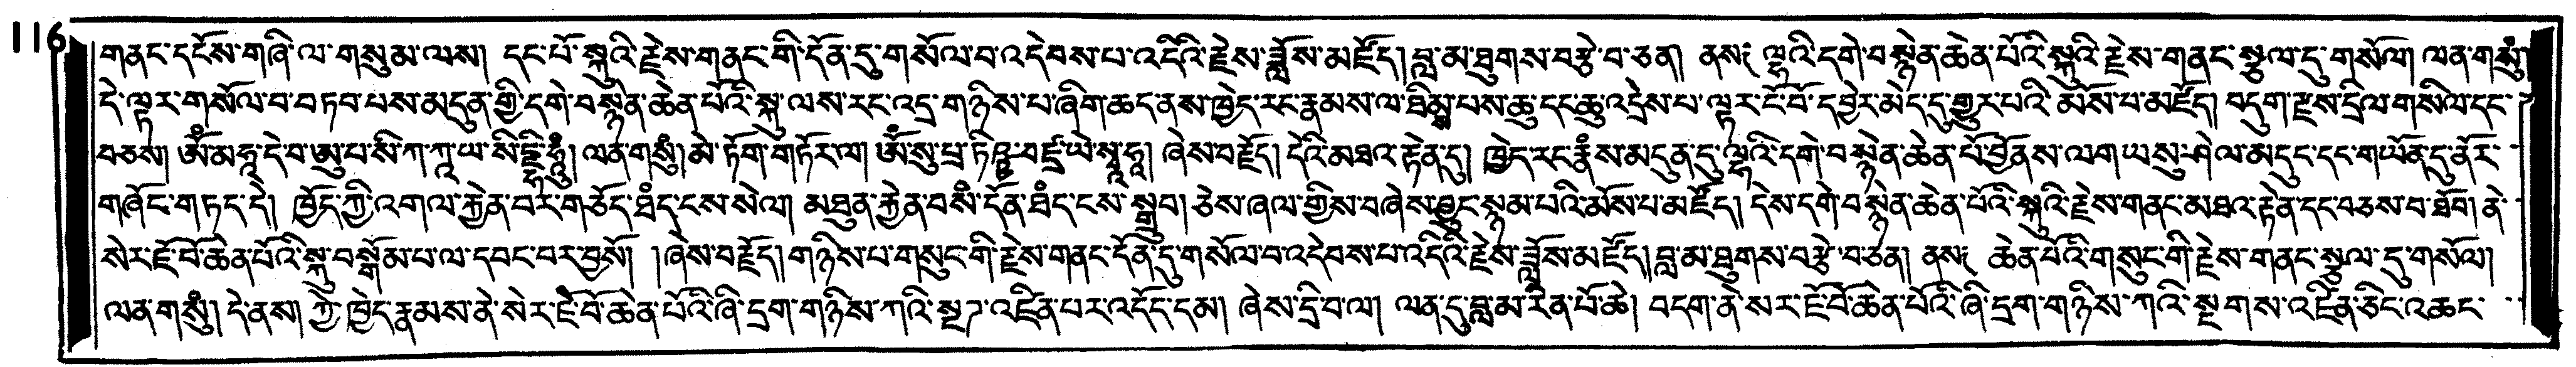གནང་དངོས་གཞི་ལ་གསུམ་ལས། དང་པོ་སྐུའི་རྗེས་གནང་གི་དོན་དུ་གསོལ་བ་འདེབས་པ་འདིའི་རྗེས་ཟློས་མཛོད། བླ་མ་ཐུགས་བརྩེ་བ་ཅན། ནས༑ ལྷའི་དགེ་བསྙེན་ཆེན་པོའི་སྐུའི་རྗེས་གནང་སྩལ་དུ་གསོལ། ལན་གསུཾ་
དེ་ལྟར་གསོལ་བ་བཏབ་པས་མདུན་གྱི་དགེ་བསྙེན་ཆེན་པོའི་སྐུ་ལས་རང་འདྲ་གཉིས་པ་ཞིག་ཆད་ནས་ཁྱེད་རང་རྣམས་ལ་ཐིམས་པས་ཆུ་དང་ཆུ་འདྲེས་པ་ལྟར་ངོ་བོ་དབྱེར་མེད་དུ་གྱུར་པའི་མོས་པ་མཛོད། བདུག་རྫས་དྲིལ་གསིལ་དང་
བཅས། ཨོཾ་མཧཱ་དེ་བ་ཨུ་པ་སི་ཀ་ཀཱ་ཡ་སིདྡྷི་ཧཱུཾ། ལན་གསུཾ། མེ་ཏོག་གཏོར་ལ། ཨོཾ་སུ་པྲ་ཏིཥཊཿཨ་བྫྲ་ཡེ་སྭཱ་ཧཱ། ཞེས་བརྗོད། དེའི་མཐའ་རྟེན་དུ། ཁྱེད་རང་རྣམས་མདུན་དུ་ལྷའི་དགེ་བསྙེན་ཆེན་པོ་བྱོན་ནས་ལག་གཡས་སུ་ཤེལ་མདུང་དང་གཡོན་དུ་ནོར་
གཞོང་གཏད་དེ། ཁྱོད་ཀྱི་འགལ་རྐྱེན་བར་གཅོད་ཐམས་ཅད་ངས་སེལ། མཐུན་རྐྱེན་བསམ་དོན་ཐམས་ཅད་ངས་སྒྲུབ། ཅེས་ཞལ་གྱིས་བཞེས་བྱུང་སྙམ་པའི་མོས་པ་མཛོད། དེས་དགེ་བསྙེན་ཆེན་པོའི་སྐུའི་རྗེས་གནང་མཐའ་རྟེན་དང་བཅས་པ་ཐོབ། ནེ་
སེར་ཇོ་བོ་ཆེན་པོའི་སྐུ་བ་སྒོམ་པ་ལ་དབང་བར་བྱས་སོ། །ཞེས་བརྗོད། གཉིས་པ་གསུང་གི་རྗེས་གནང་དོན་དུ་གསོལ་བ་འདེབས་པ་འདིའི་རྗེས་ཟློས་མཛོད། བླ་མ་ཐུགས་བརྩེ་བ་ཅན། ནས༑ ཆེན་པོའི་གསུང་གི་རྗེས་གནང་སྩལ་དུ་གསོལ།
ལན་གསུཾ། དེ་ནས། ཀྱེ་ཁྱེད་རྣམས་ནེ་སེར་ཇོ་བོ་ཆེན་པོའི་ཞི་དྲག་གཉིས་ཀའི་སྔགས་འཛིན་པར་འདོད་དམ། ཞེས་དྲི་བ་ལ། ལན་དུ་བླ་མ་རིན་པོ་ཆེ། བདག་ནེ་སར་ཇོ་བོ་ཆེན་པོའི་ཞི་དྲག་གཉིས་ཀའི་སྔགས་འཛིན་ཅིང་འཆང་